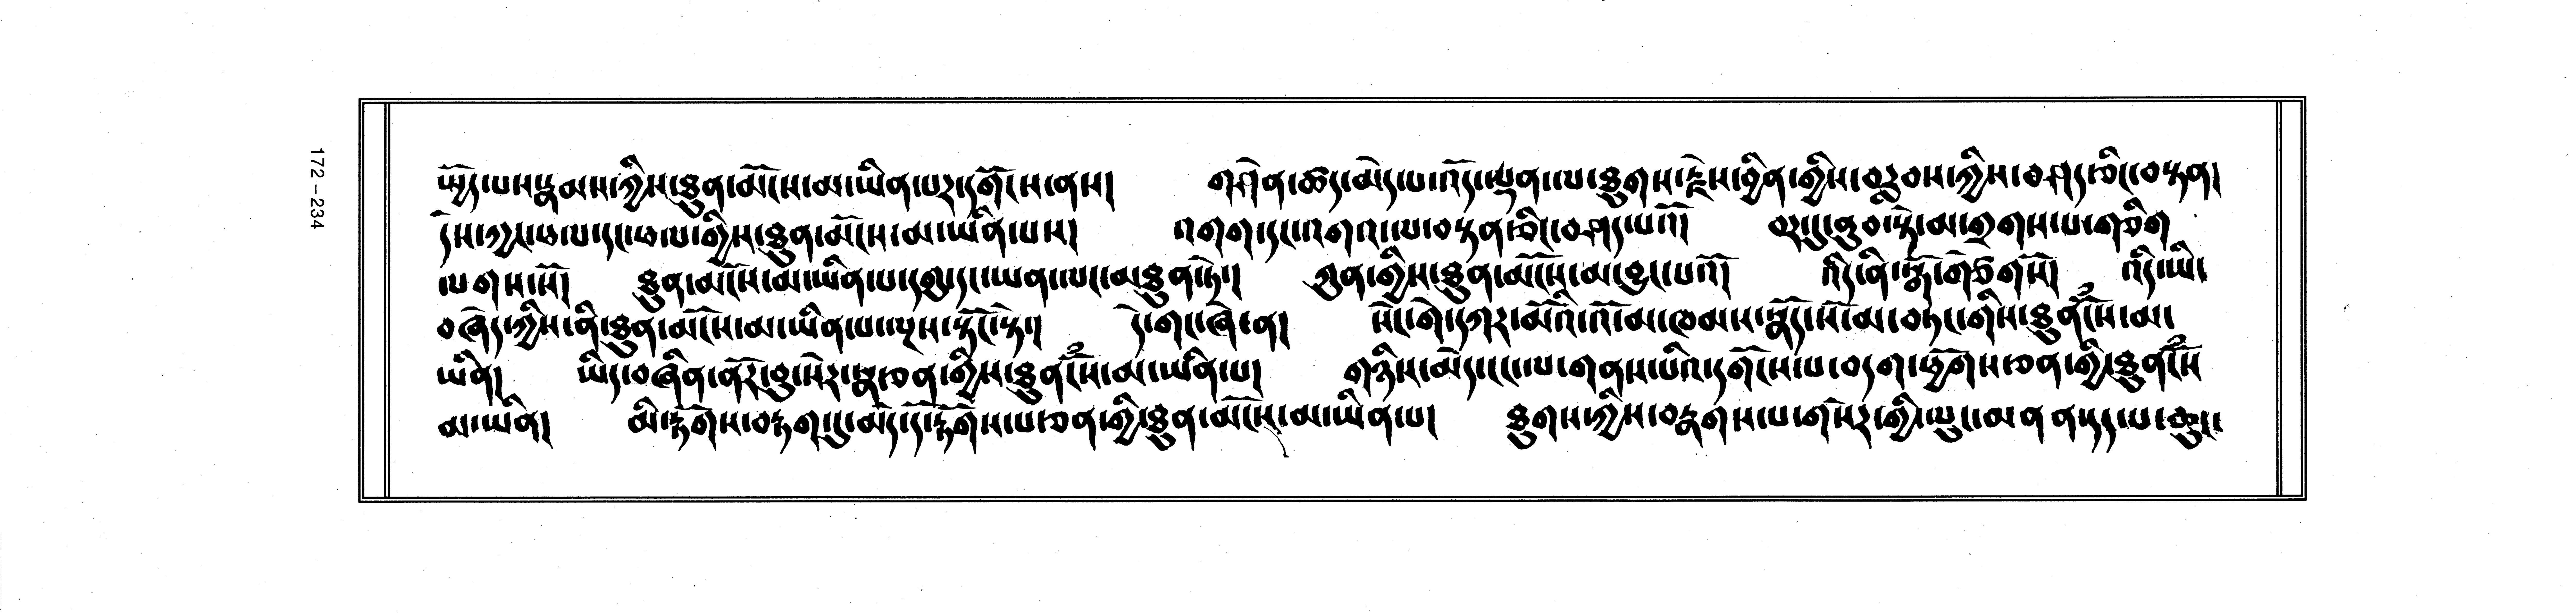རྣམས་ཀྱིས་ཐུན་མོངས་མ་ཡིན་པར་དགོངས་ནས། གཤེན་ཚད་མེད་པ་འོད་ལྡན་ལ་ཐུགས་རྗེས་བྱིན་གྱིས་བརླབས་ཀྱིས་བཤད་ཅིང་བསྟན། 
དེས་ཀྱང་ཕལ་དང་ཕལ་གྱིས་ཐུན་མོངས་མ་ཡིན་པས། འགག་དང་འགའ་ལ་བསྟན་ཅིང་བཤད་པའོ། བར་དུ་ནུབ་སྟེ་མ་གྲགས་པ་གཅིག་
ལགས་སོ། ཐུན་མོངས་མ་ཡིན་པ་དགུ་དང་ཡན་ལང་མཐུན་ཏེ། ཀུན་གྱིས་ཐུན་མོངས་མ་བྱུང་པའོ། འདི་ནི་སྒོ་བརྩེགས་སོ། འདི་ཡི་
བཞེད་ཀྱིས་ནི་ཐུན་མོངས་མ་ཡིན་པ་ལྔས་སྟོང་སྟེ། དེ་གང་ཞེ་ན། སེང་གེ་དཀར་མོའི་འོ་མ་ཁམས་སྣོད་སོ་མ་བཏང་གིས་ཐུན་མོངས་མ་
ཡིན། ཡིད་བཞིན་ནོར་བུ་སེར་སྣ་ཅན་གྱིས་ཐུན་མོངས་མ་ཡིན་པ། གཉིས་མེད་ངང་ལ་གནས་པའི་དགོངས་པ་བདག་ཕྱོགས་ཅན་གྱི་ཐུན་ངེས་
མ་ཡིན། མི་རྟོགས་བརྟན་དུ་མེད་དོ་རྟོགས་པ་ཙན་ངེས་མ་ཡིན་པའི། ཐུགས་ཀྱིས་བརྣགས་པ་གསེར་གྱི་ལུང་མནན་དད་པ་ཆུང་